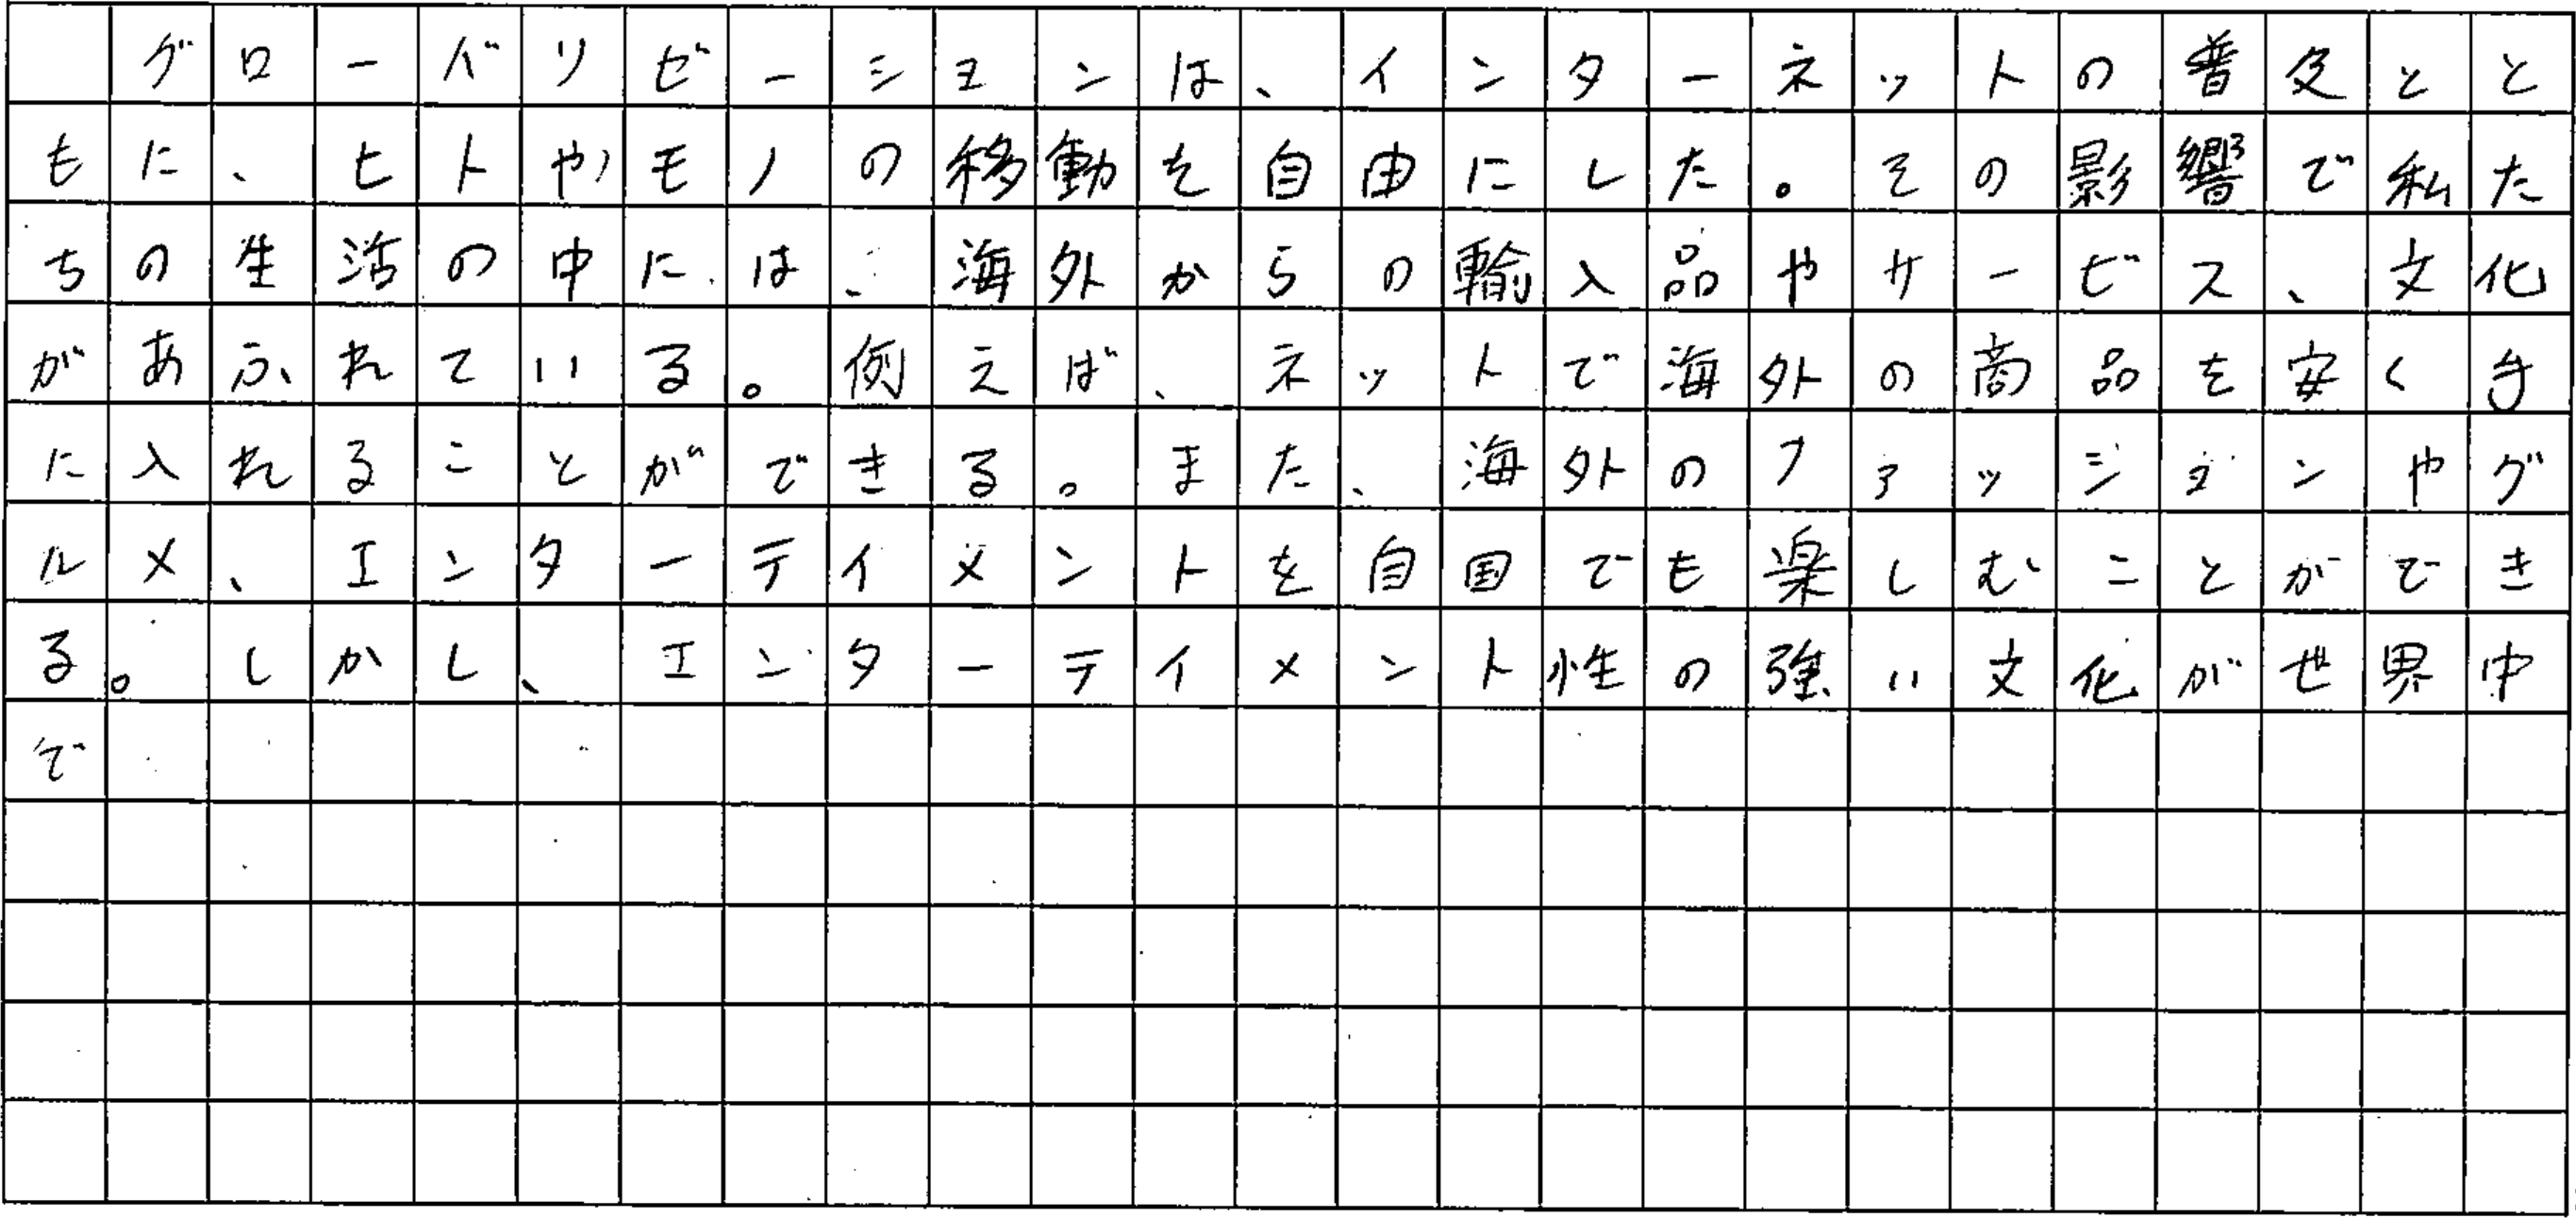　グローバリゼーションは、インターネットの普及とともに、ヒトやモノの移動を自由にした。その影響で私たちの生活の中には、海外からの輸入品やサービス、文化があふれている。例えば、ネットで海外の商品を安く手に入れることができる。また海外のファッションやグルメ、エンターテインメントを自国でも楽しむことができる。しかし、エンターテイメント性の強い文化が世界中で
